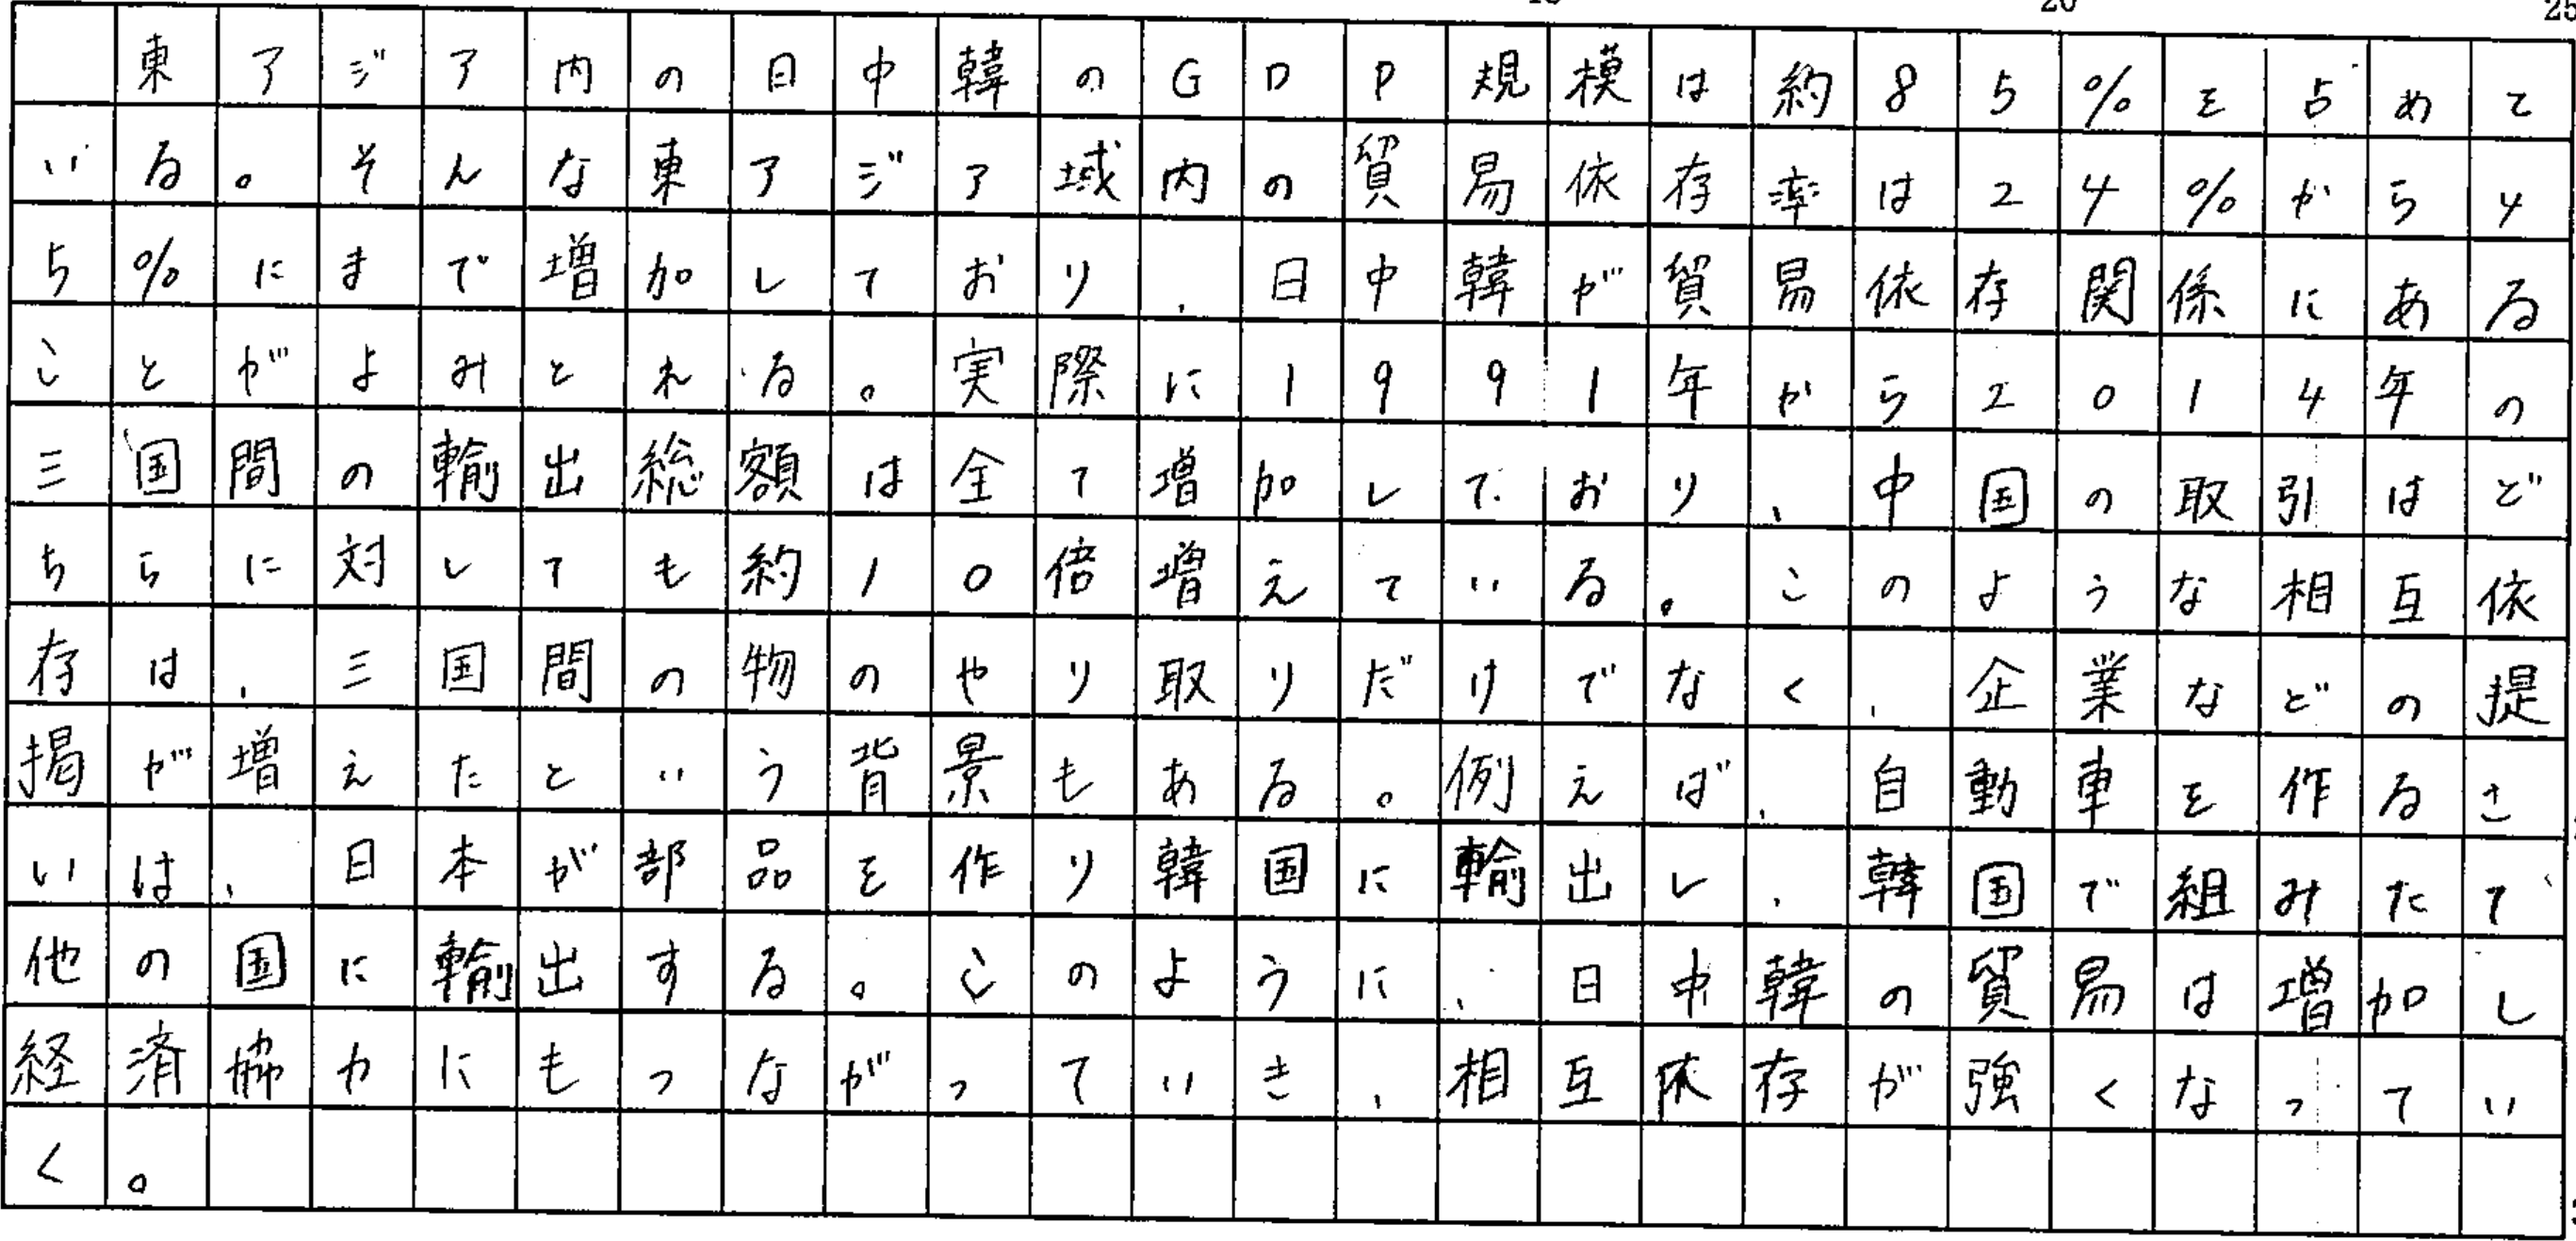　東アジア内の日中韓のＧＤＰ規模は約８５％を占めている。そんな東アジア域内の貿易依存率は２４％から４５％にまで増加しており、日中韓が貿易依存関係にあることがよみとれる。実際に１９９１年から２０１４年の三国間の輸出総額は全て増加しており、中国の取引はどちらに対しても約１０倍増えている。このような相互依存は、三国間の物のやり取りだけでなく、企業などの提掲が増えたという背景もある。例えば、自動車を作るさいは、日本が部品を作り韓国に輸出し、韓国で組みたて他の国に輸出する。このように、日中韓の貿易は増加し経済協力にもつながっていき、相互依存が強くなっていく。
